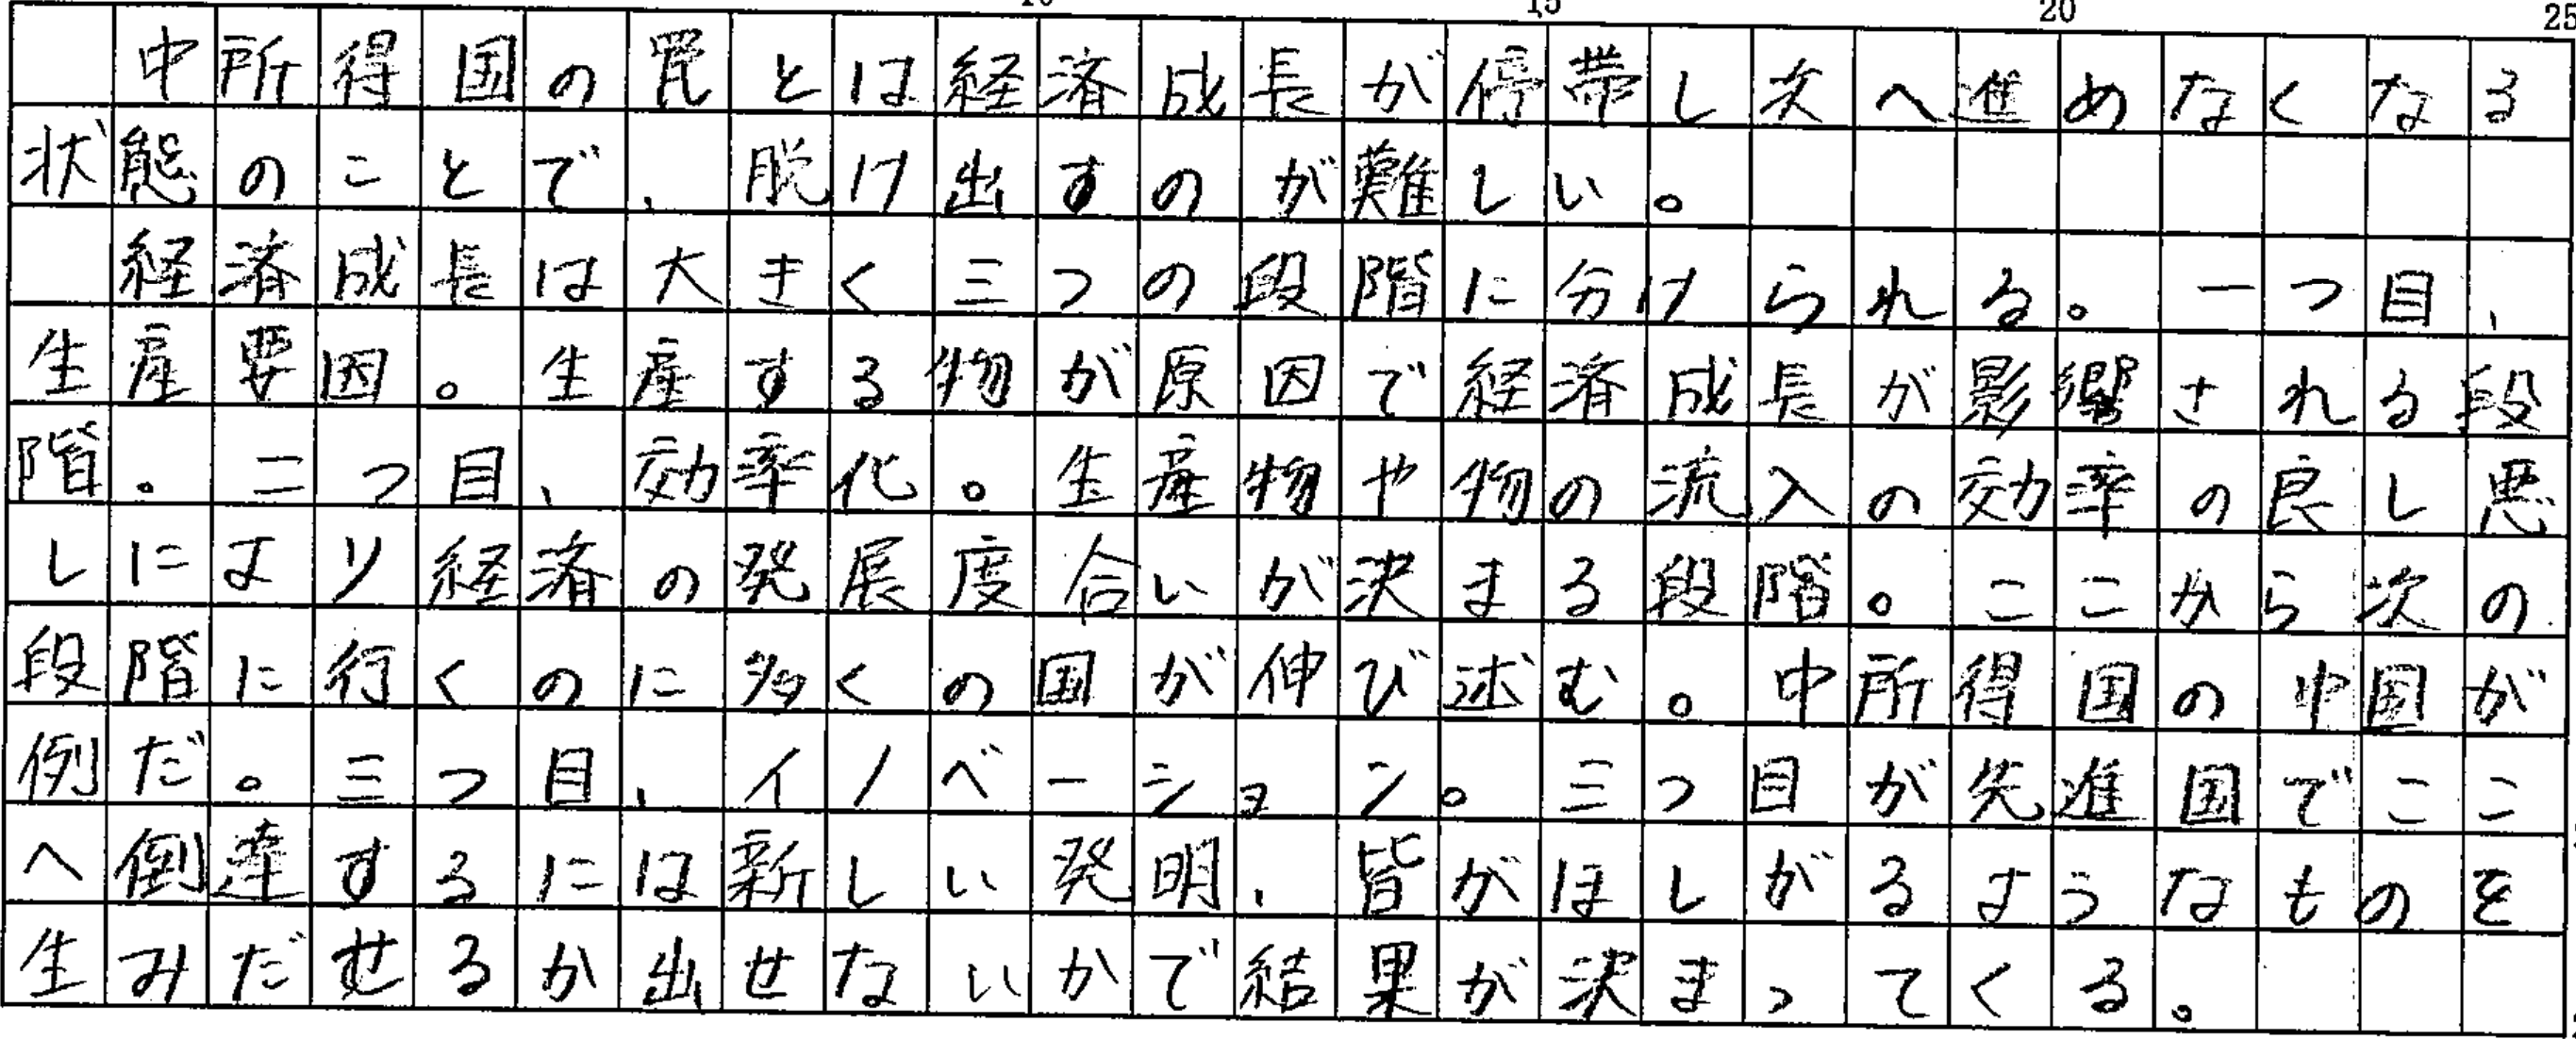　中所得国の罠とは経済成長が停帯し次へ進めなくなる状態のことで、脱け出すのが難しい。
　経済成長は大きく三つの段階に分けられる。一つ目、生産要因。生産する物が原因で経済成長が影響される段階。二つ目、効率化。生産物や物の流入の効率の良し悪しにより経済の発展度合いが決まる段階。ここから次の段階に行くのに多くの国が伸び述む。中所得国の中国が例だ。三つ目、イノベーション。三つ目が先進国でここへ倒達するには新しい発明、皆がほしがるようなものを生みだせるか出せないかで結果が決まってくる。
